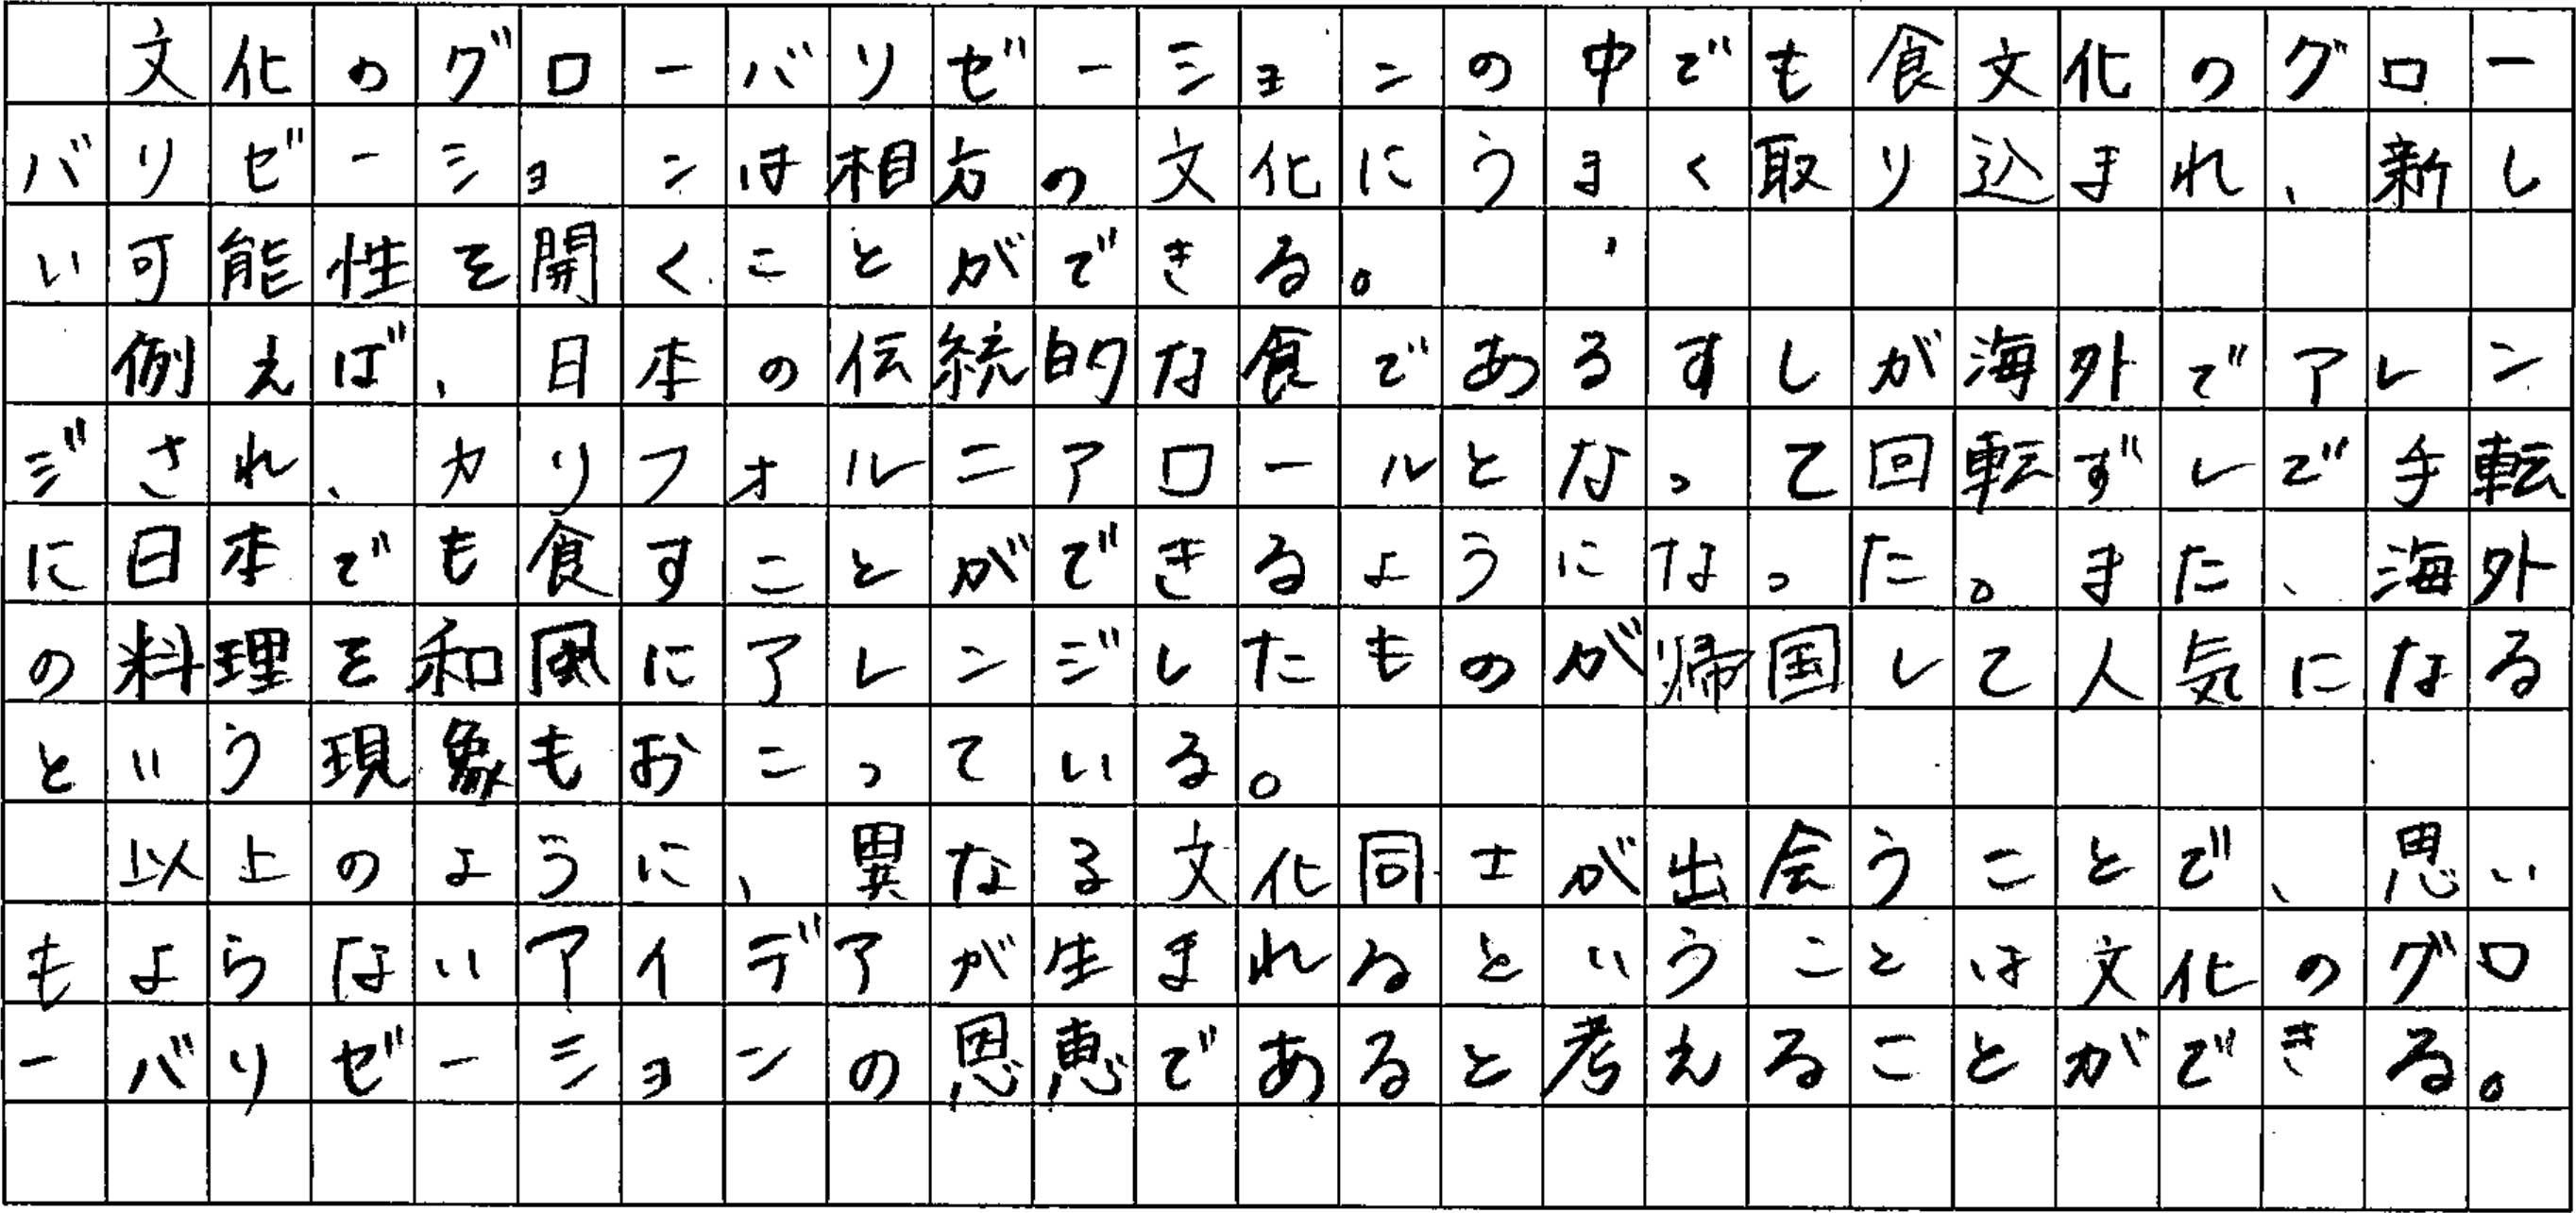　文化のグローバリゼーションの中でも食文化のグローバリゼーションは相方の文化にうまく取り込まれ、新しい可能性を開くことができる。
　例えば、日本の伝統的な食であるすしが海外でアレンジされ、カリフォルニアロールとなって回転ずしで手転に日本でも食すことができるようになった。また、海外の料理を和風にアレンジしたものが帰国して人気になるという現象もおこっている。
　以上のように、異なる文化同士が出会うことで、思いもよらないアイデアが生まれるということは文化のグローバリゼーションの恩恵であると考えることができる。
